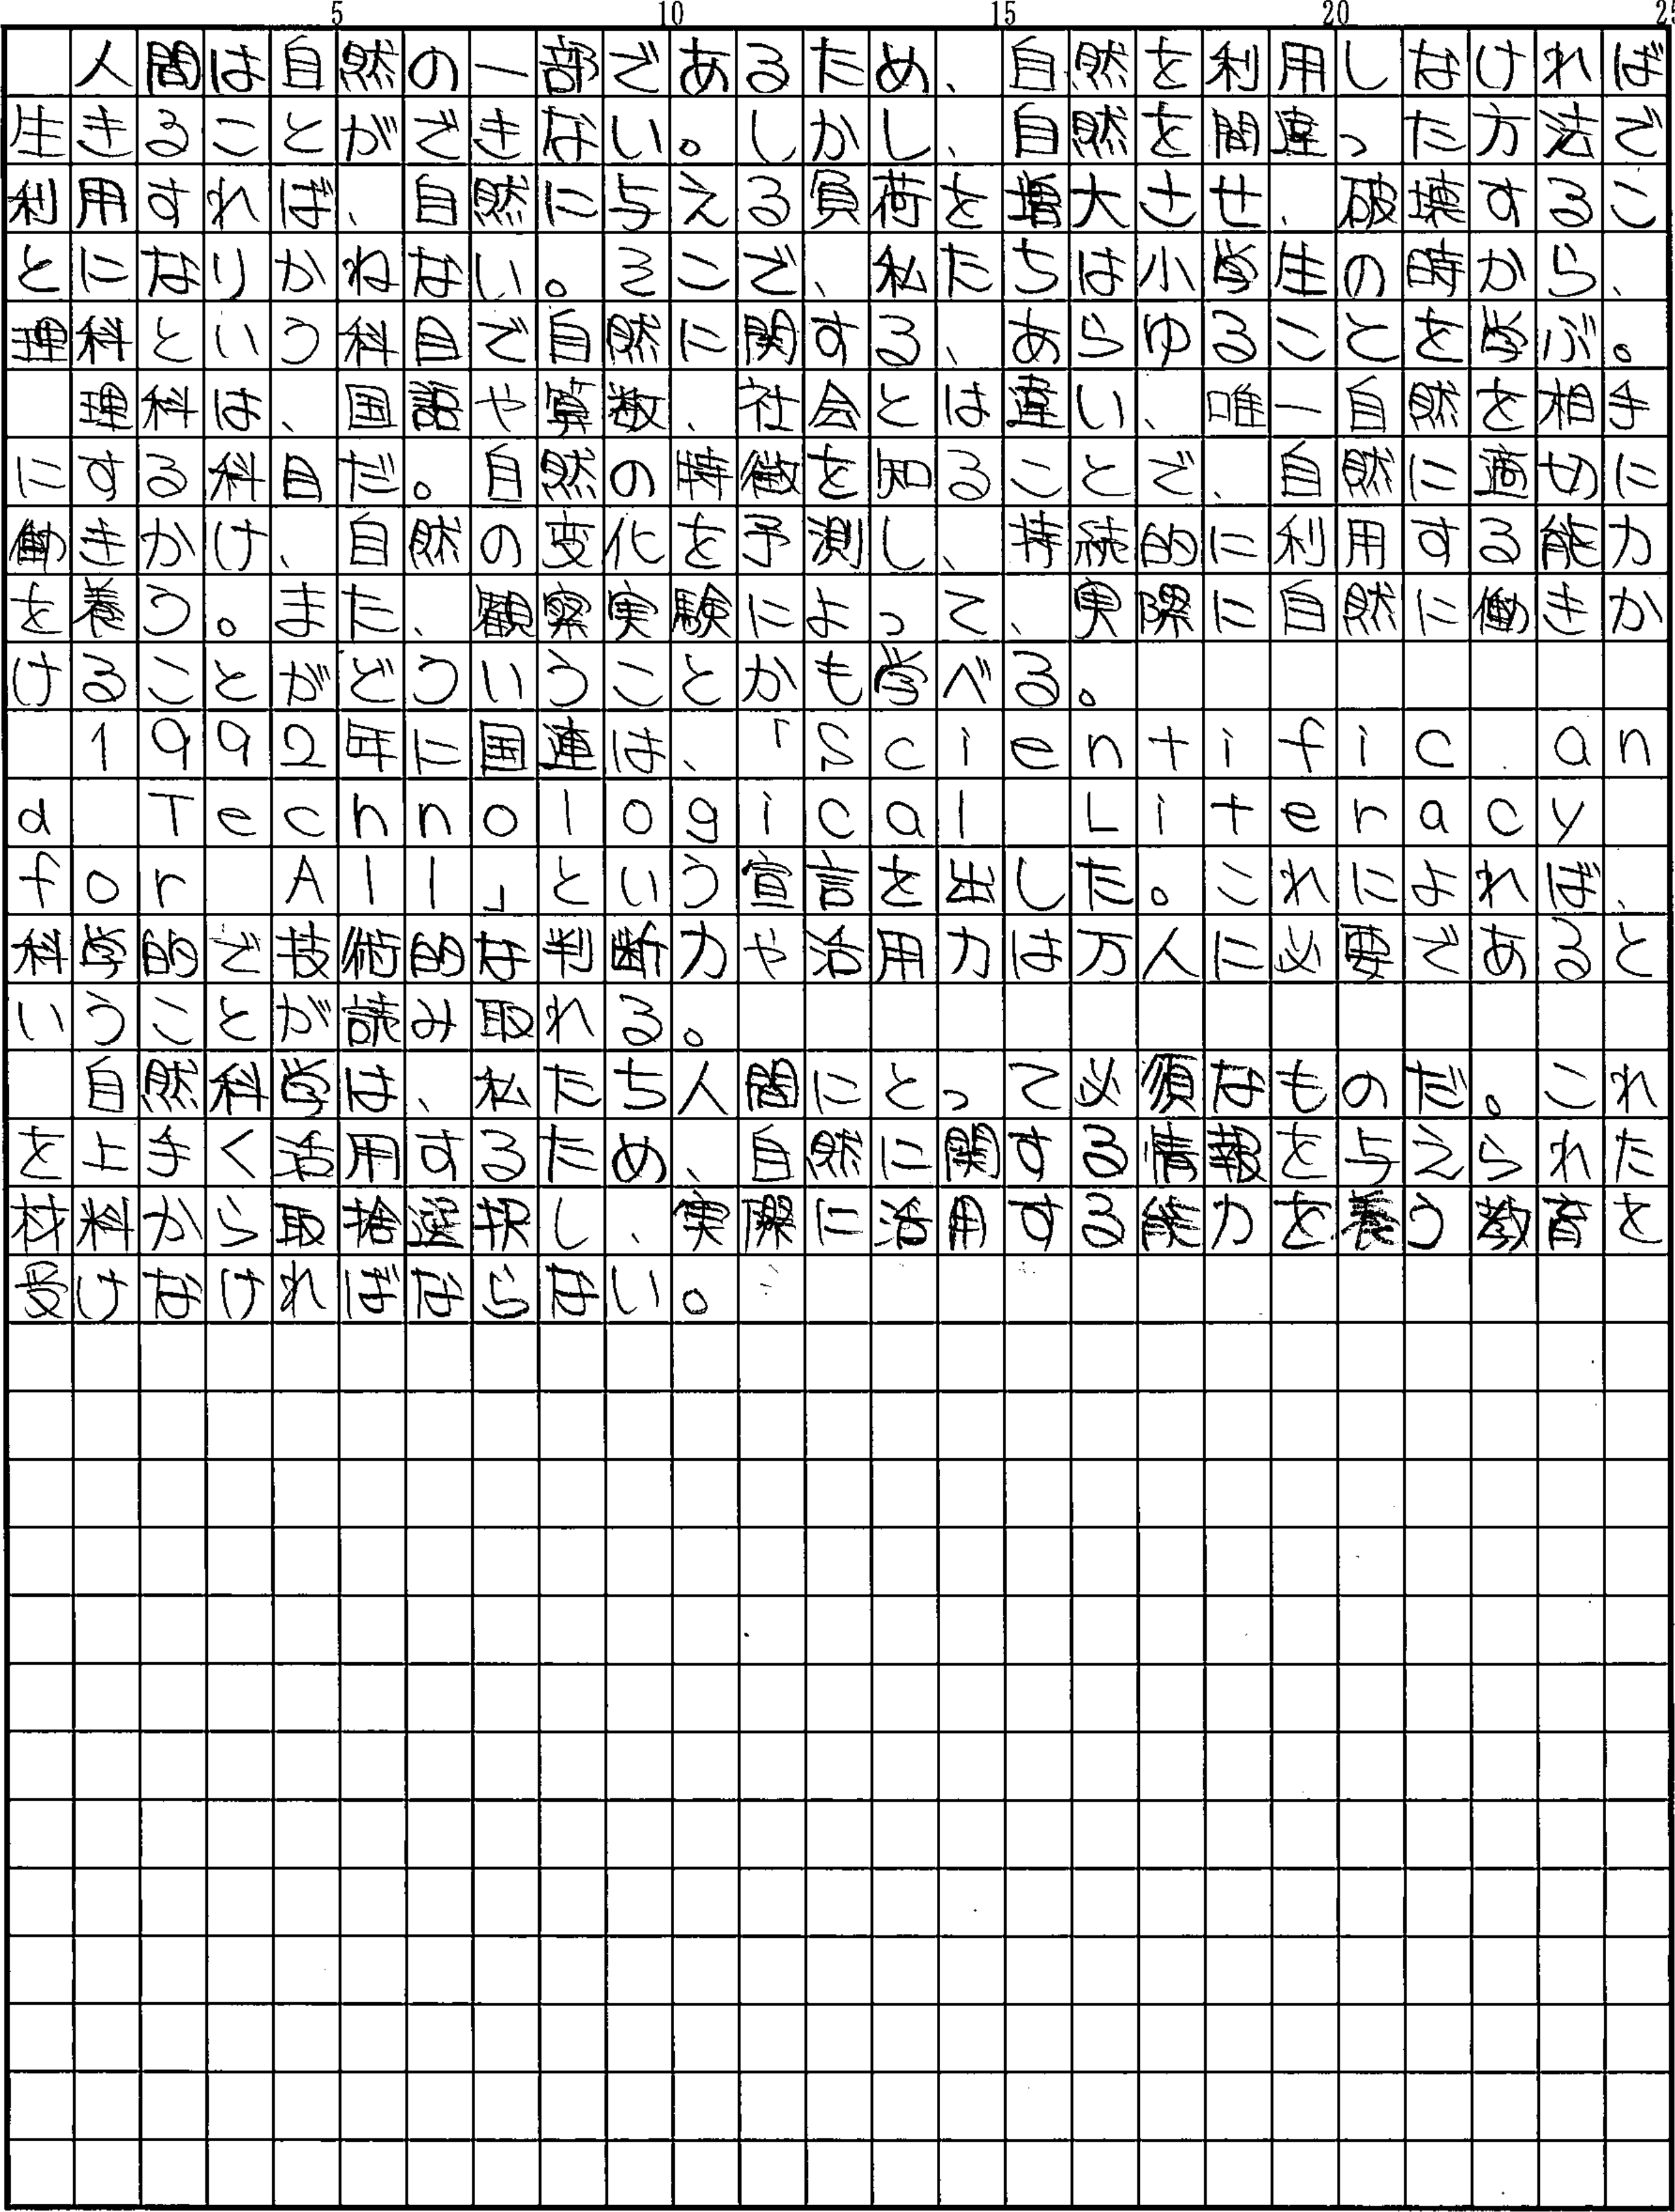　人間は自然の一部であるため、自然を利用しなければ生きることができない。しかし、自然を間違った方法で利用すれば、自然に与える負荷を増大させ、破壊することになりかねない。そこで、私たちは小学生の時から、理科という科目で自然に関する、あらゆることを学ぶ。
　理科は、国語や算数、社会とは違い、唯一自然を相手にする科目だ。自然の特徴を知ることで、自然に適切に働きかけ、自然の変化を予測し、持続的に利用する能力を養う。また、観察実験によって、実際に自然に働きかけることがどういうことかも学べる。
　１９９２年に国連は、「Ｓｃｉｅｎｔｉｆｉｃ　ａｎｄ　Ｔｅｃｈｎｏｌｏｇｉｃａｌ　Ｌｉｔｅｒａｃｙ　ｆｏｒ　Ａｌｌ」という宣言を出した。これによれば、科学的で技術的な判断力や活用力は万人に必要であるということが読み取れる。
　自然科学は、私たち人間にとって必須なものだ。これを上手く活用するため、自然に関する情報を与えられた材料から取捨選択し、実際に活用する能力を養う教育を受けなければならない。
